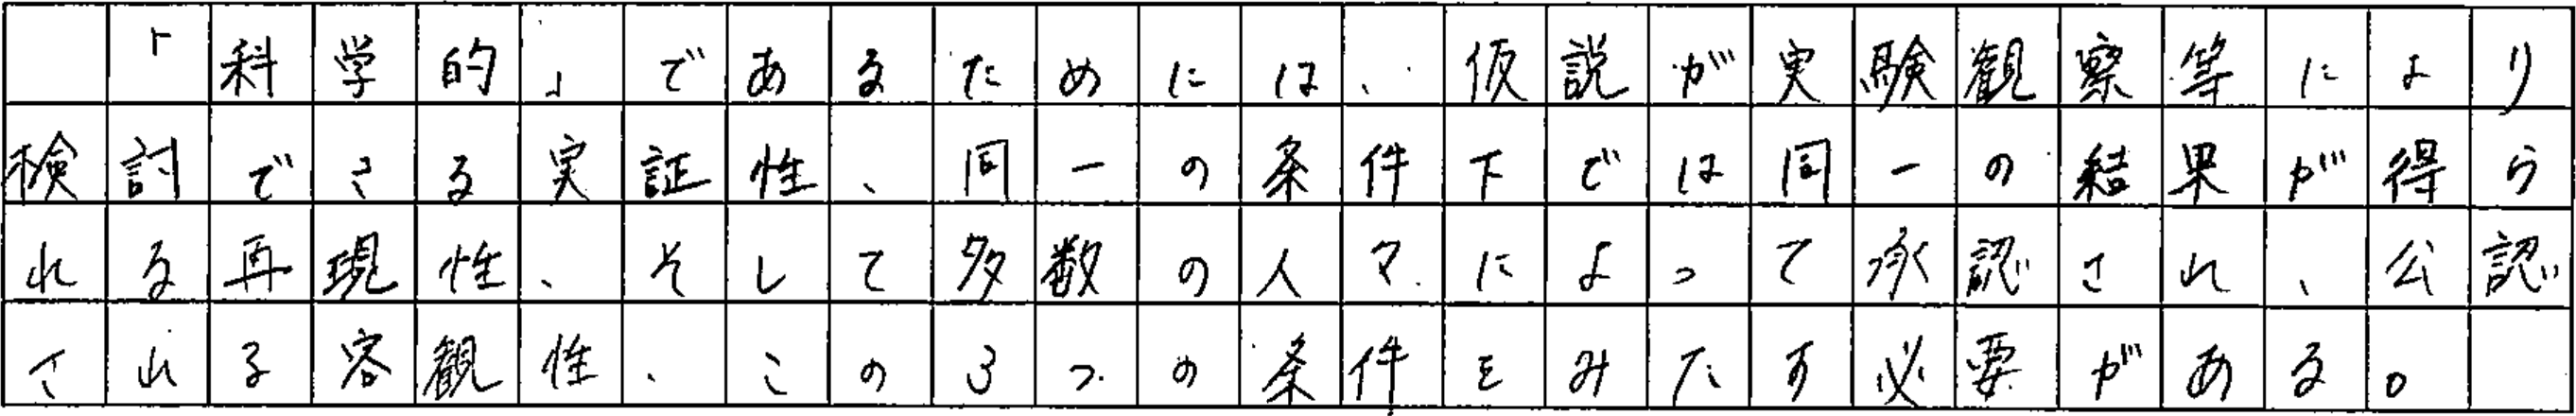　「科学的」であるためには、仮説が実験観察等により検討できる実証性、同一の条件下では同一の結果が得られる再現性、そして多数の人々によって承認され、公認される客観性、この３つの条件を満たす必要がある。
